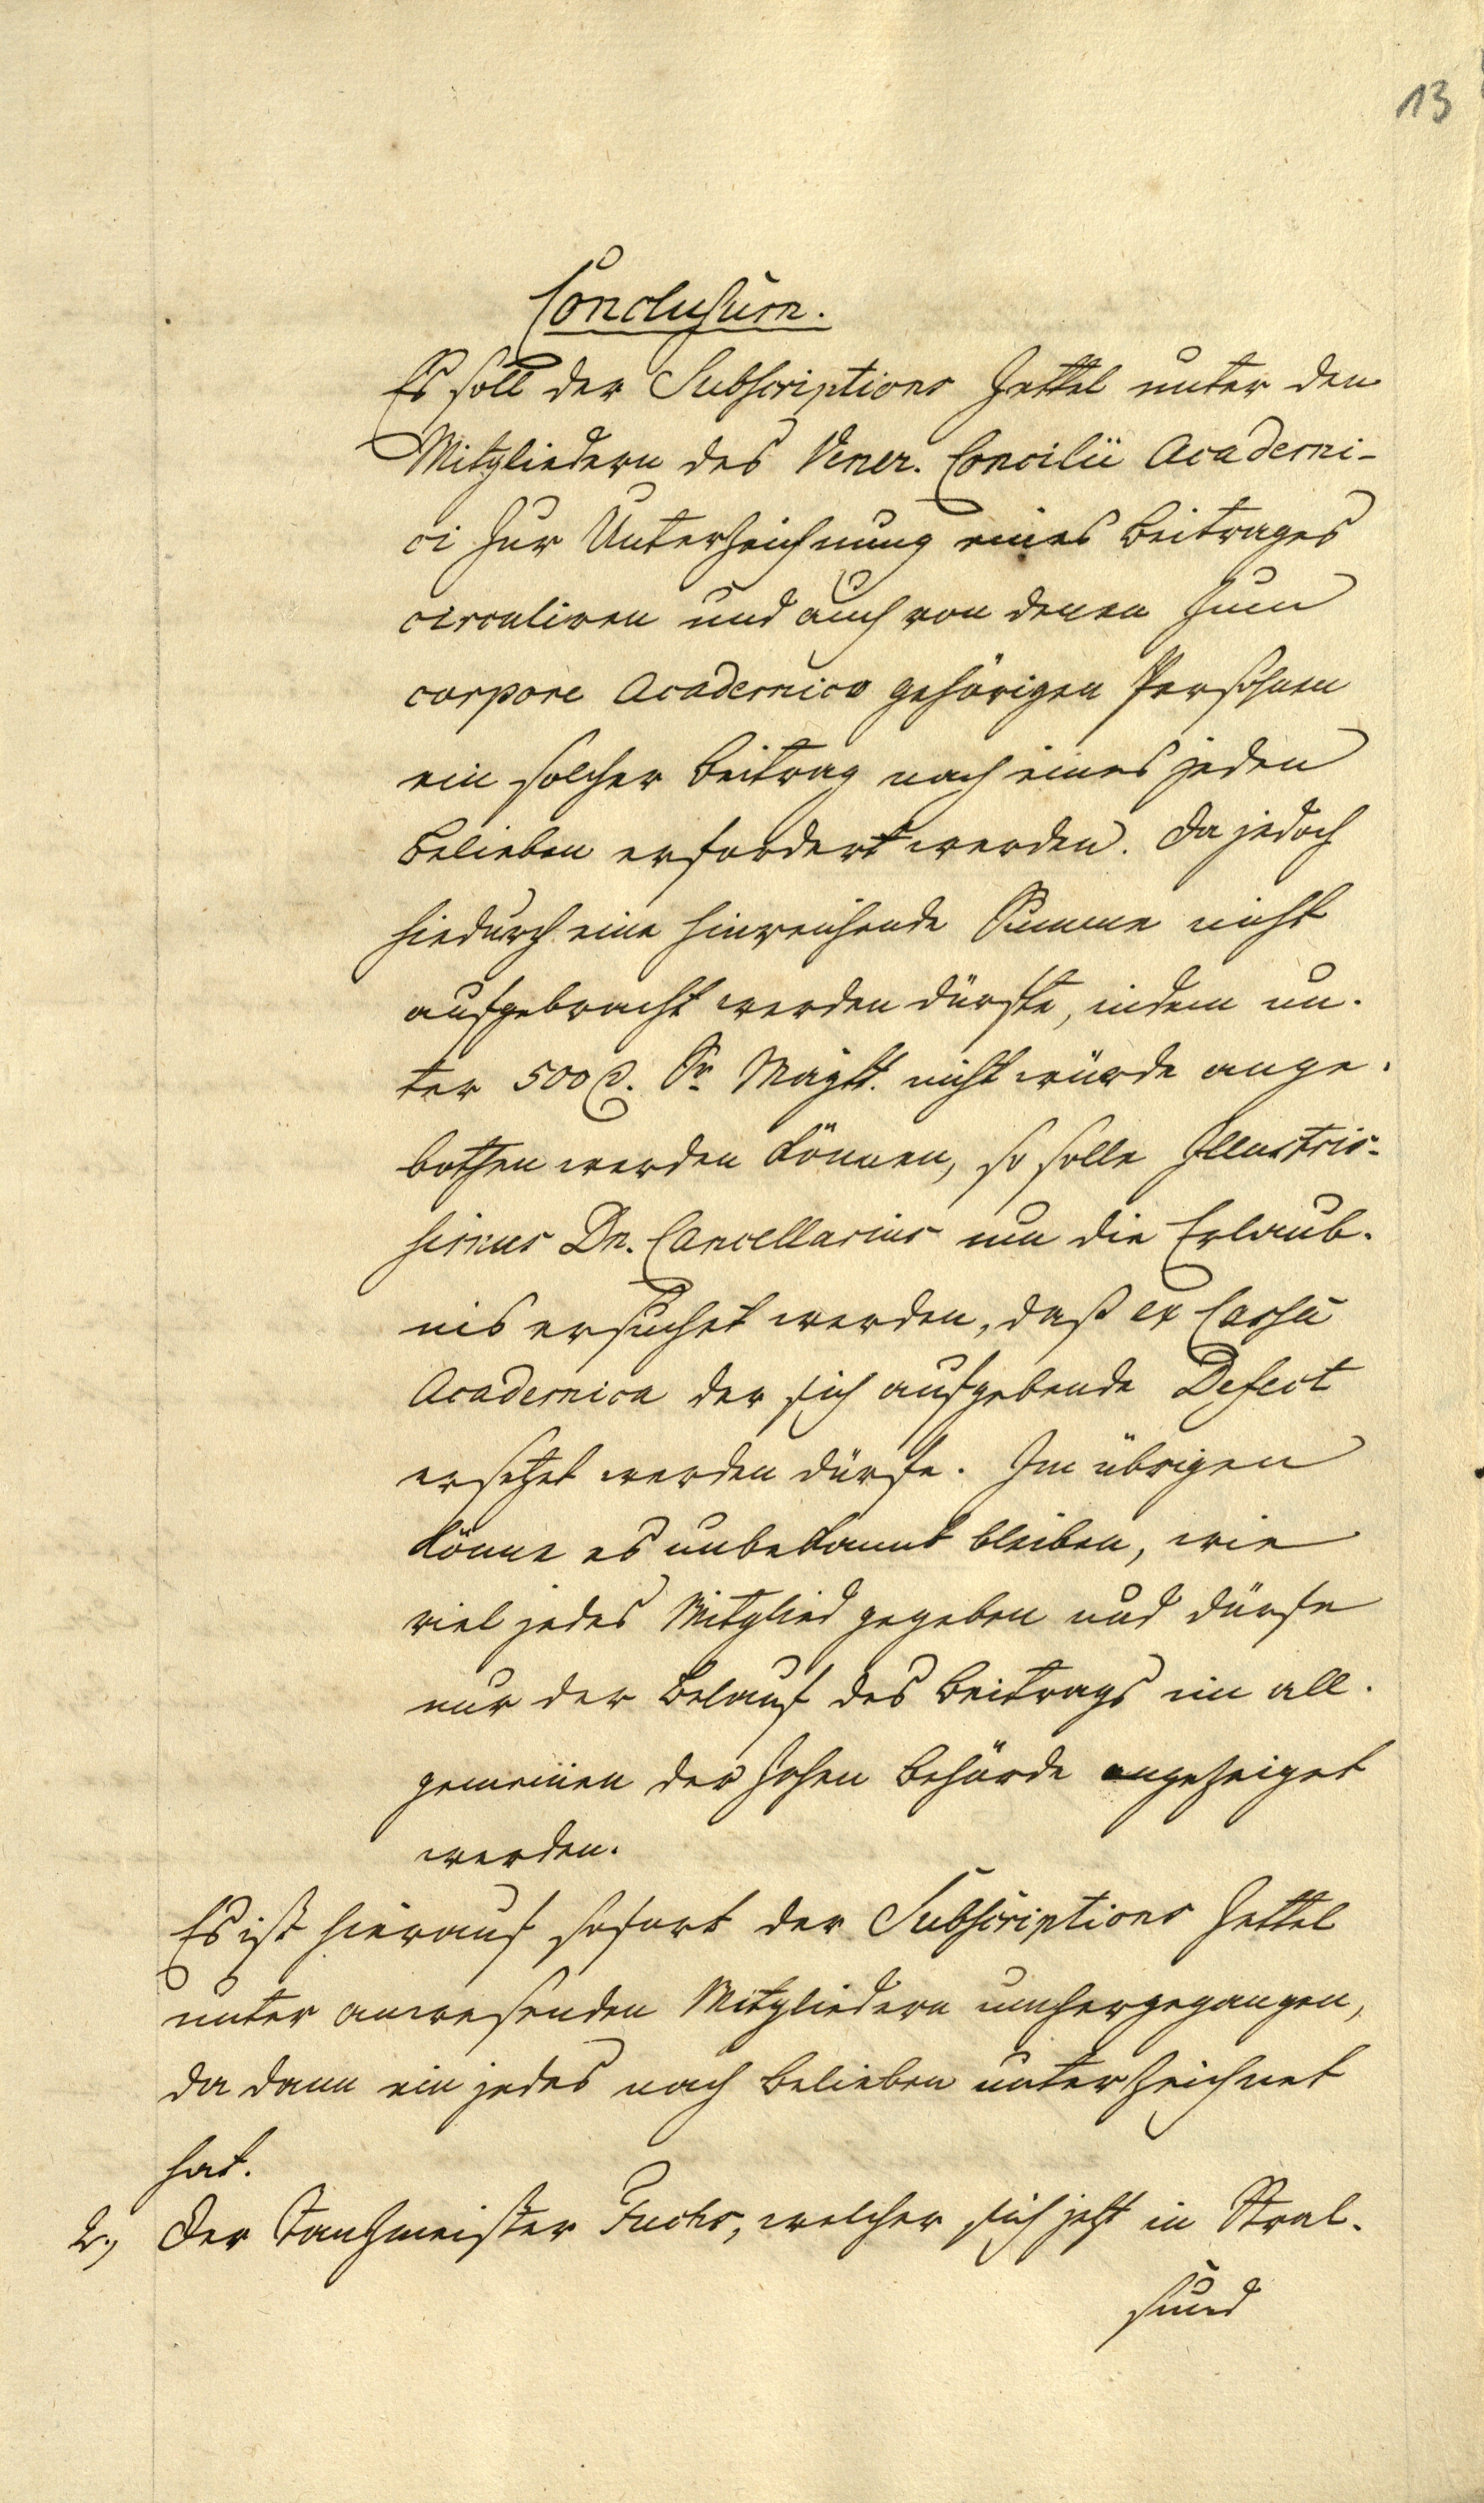Conclusum.
Es soll der Subscriptions Zettel unter den
Mitgliedern des Vener. Concilii Academi-
ci zur Unterzeichnung eines Beitrages
circuliren und auch von denen zum
corpore Academico gehörigen Persohnen
ein solcher Beitrag nach eines jeden
Belieben erfordert werden. Da jedoch
hiedurch eine hinreichende Summe nicht
aufgebracht werden dürfte, indem un-
ter 500 rtl. Sr. Maytt. nicht würde ange-
bothen werden können, so solle Illustris-
simus Dn. Cancellarius um die Erlaub-
nis ersuchet werden, daß ex Cassa
Academica der sich aufgebende Defect
ersetzet werden dürfe. Im übrigen
könne es unbekannt bleiben, wie
viel jedes Mitglied gegeben und dürfe
nur der Belauf des Beitrags im all-
gemeinen der hohen Behörde angezeiget
werden.
Es ist hierauf sofort der Subscriptions Zettel
unter anwesenden Mitgliedern umhergegangen,
da dann ein jedes nach Belieben unterzeichnet
hat.
2. Der Tanzmeister Fuchs, welcher sich jetzt in Stral-
sund